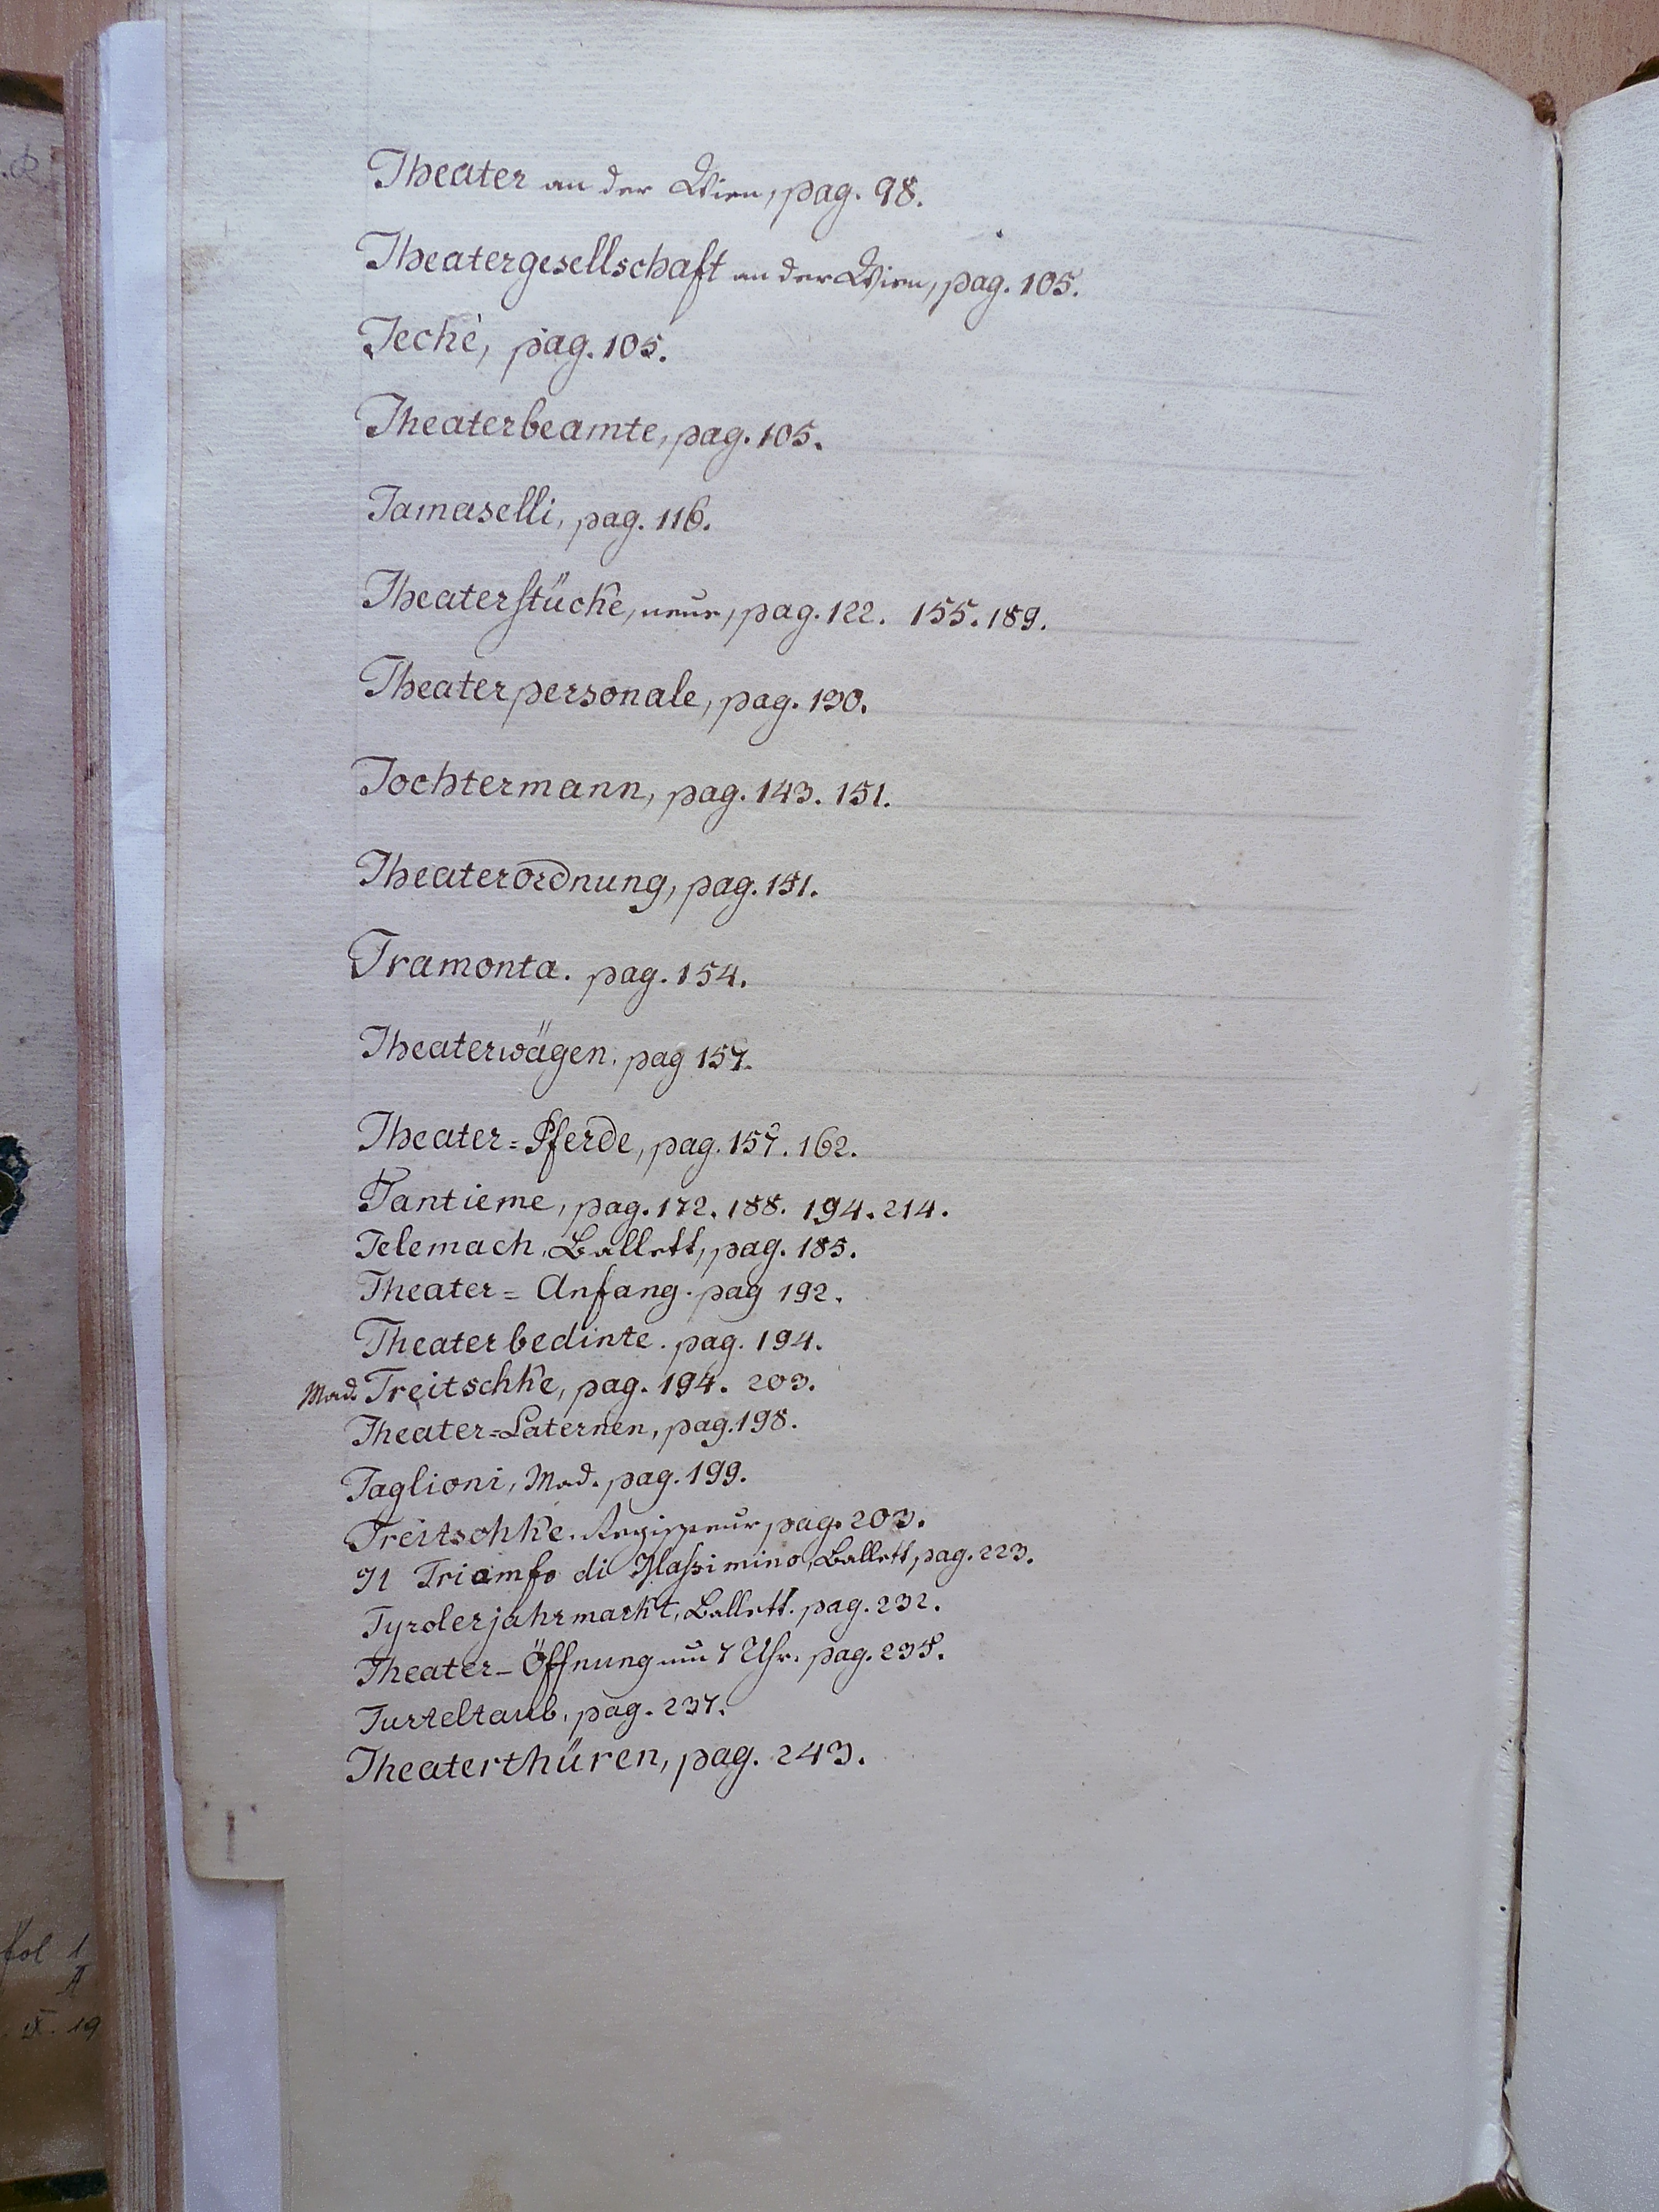Theater an der Wien, pag. 98.
Theatergesellschaft an der Wien, pag. 105.
Techè, pag. 105.
Theaterbeamte, pag. 105.
Tamaselli, pag. 116.
Theaterstücke, neue, pag. 122. 155. 189.
Theaterpersonale, pag. 130.
Tochtermann, pag. 143. 151.
Theaterordnung, pag. 151.
Tramonta. pag. 154.
Theaterwägen, pag. 157.
Theater=Pferde, pag. 157. 162.
Tantieme, pag. 172. 188. 194. 214.
Telemach, Ballett, pag. 185.
Theater=Anfang. pag. 192.
Theaterbediente. pag. 194.
Mad. Treitschke, pag. 194. 203.
Theater=Laternen, pag. 198.
Taglioni, Mad. pag. 199.
Treitschke. Regisseur pag. 203.
Il Triomfo di Massimino, Ballett pag. 223.
Tyrolerjahrmarkt, Ballett. pag. 232.
Theater_Öffnung um 7 Uhr. pag. 235.
Turteltaub, pag. 237.
Theaterthüren, pag. 243.